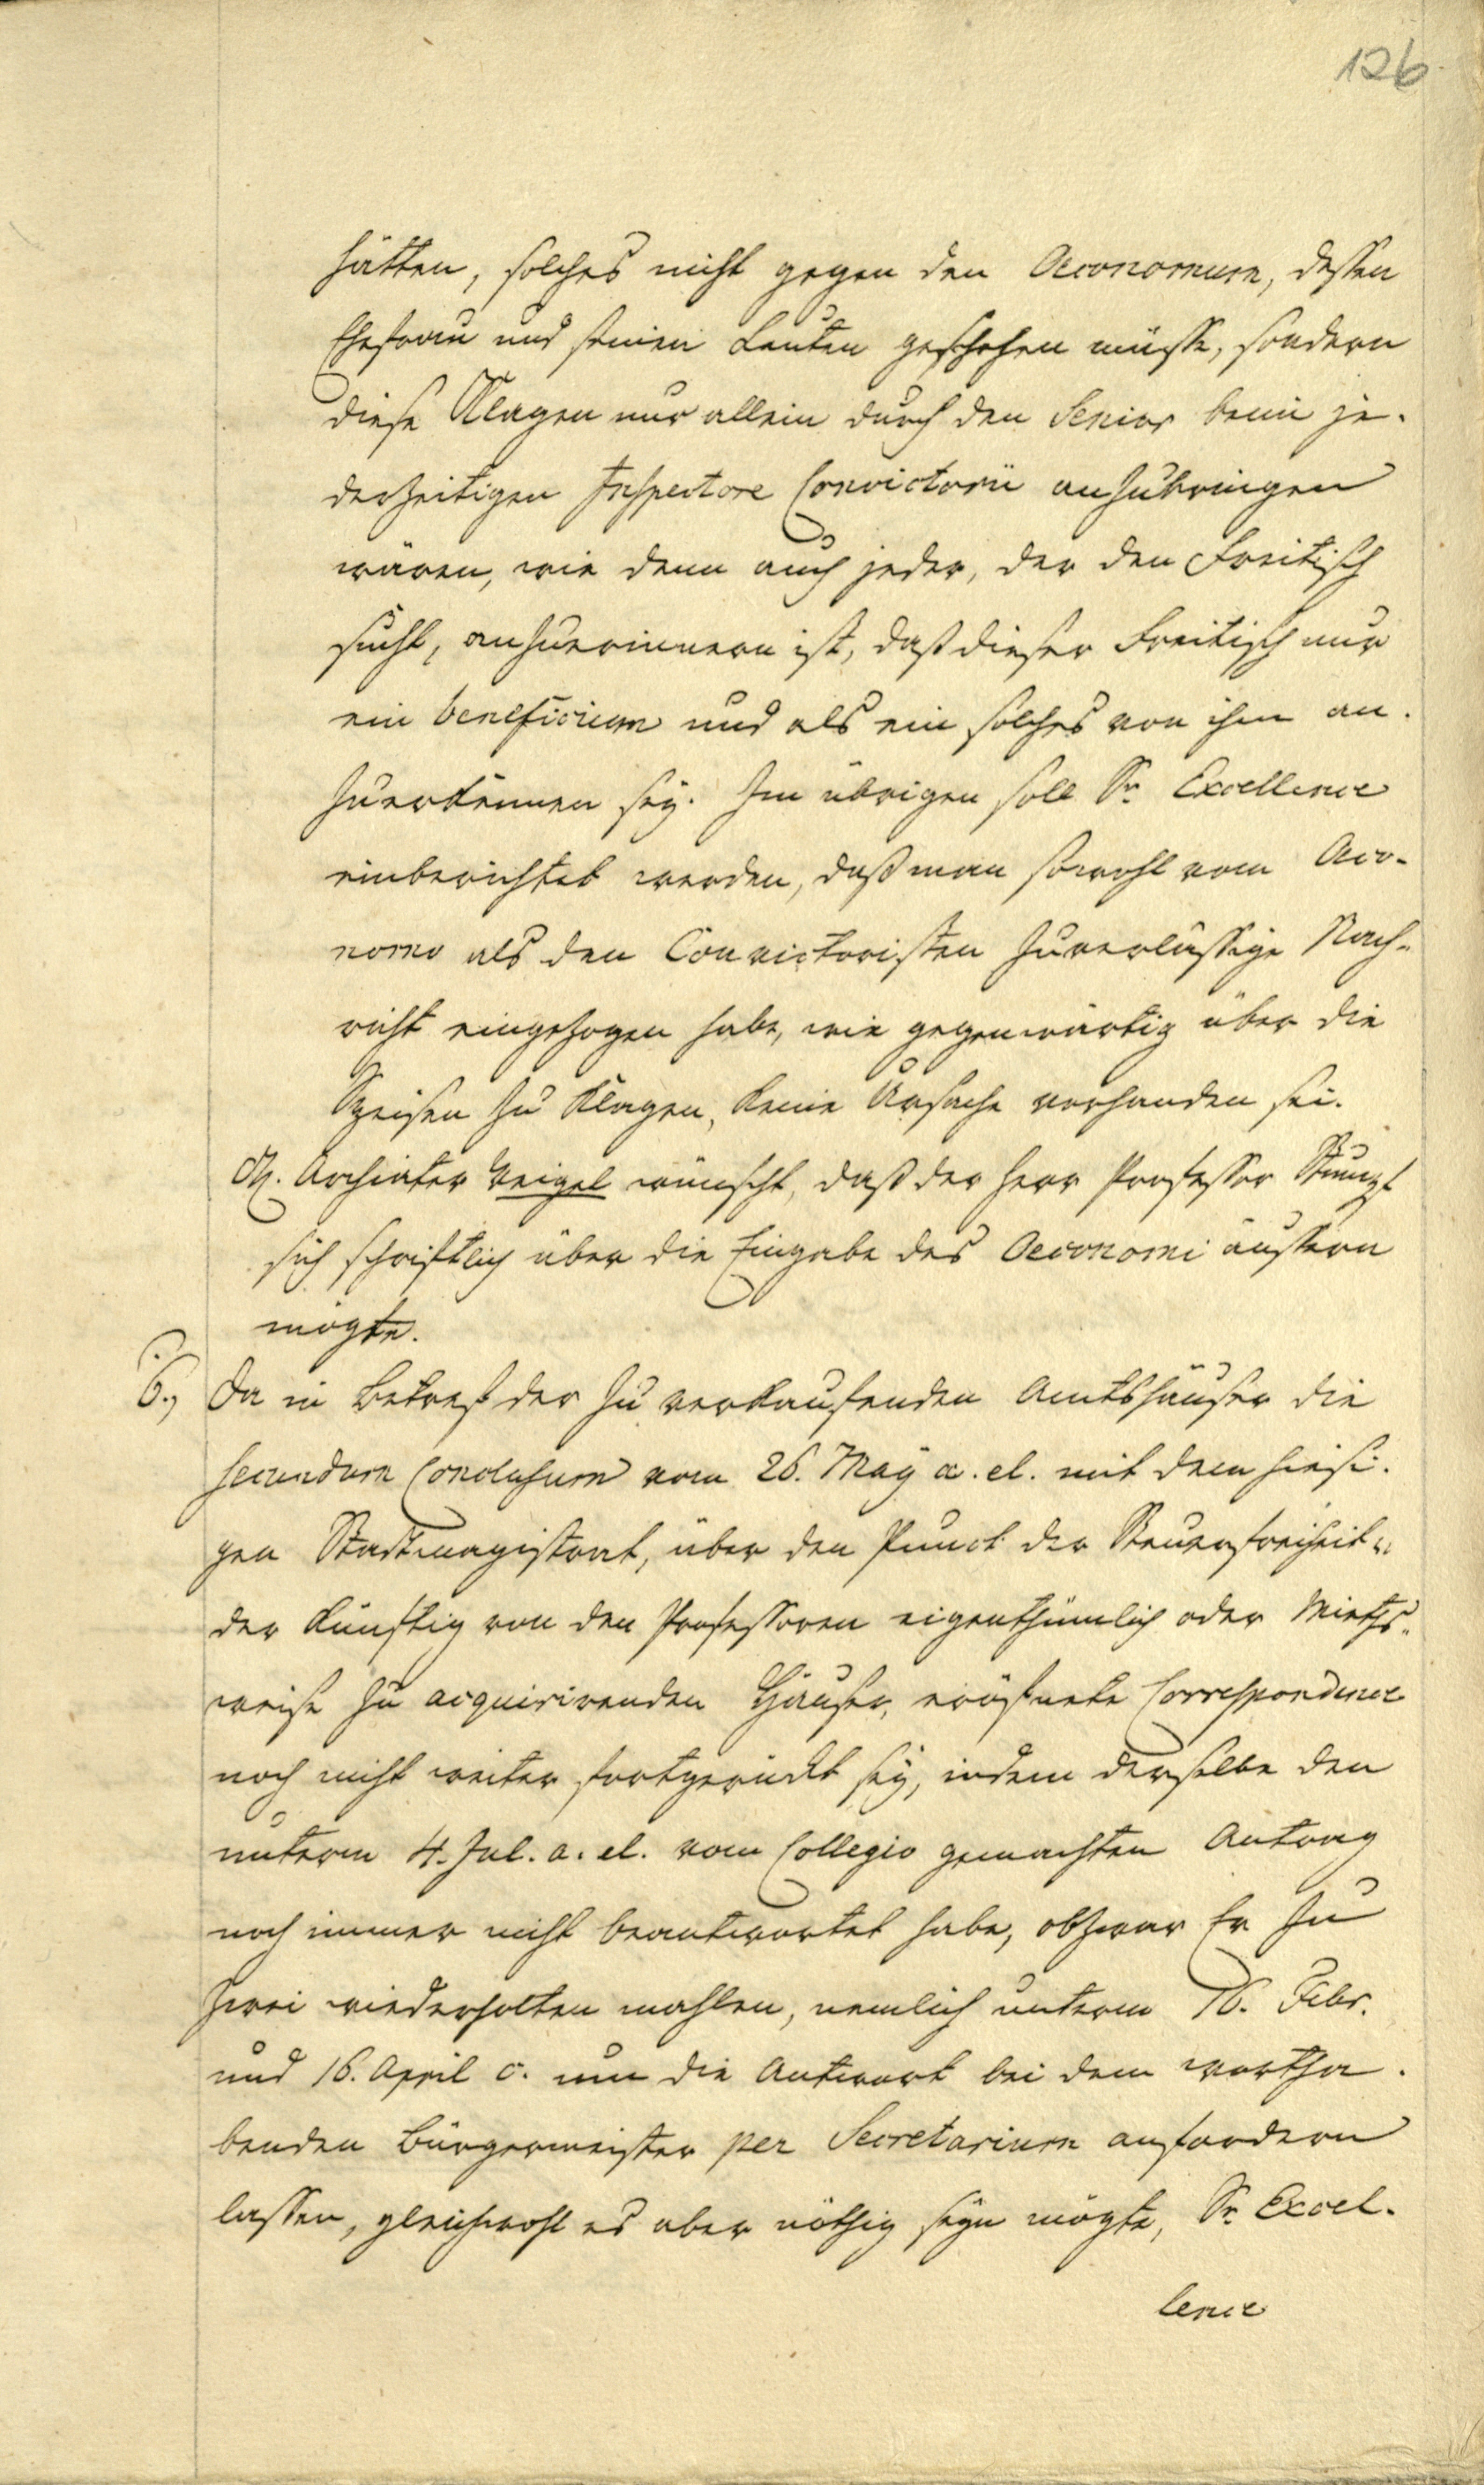hätten, solches nicht gegen den Oeconomum, dessen
Ehefrau und seinen Leuten geschehen müsse, sondern
diese Klagen nur allein durch den Senior beim je¬
derzeitigen Inspectore Convictorii anzubringen
wären, wie denn auch jeder, der den Freitisch
sucht, auzuerinnern ist, daß dieser Freitisch nur
ein beneficium und als ein solches von ihm an¬
zuerkennen seÿ. Im übrigen soll Sr Excellence
einberichtet werden, daß man sowohl vom Oeco¬
nomo als den Convictoristen zuverlässige Nach¬
richt eingezogen habe, wie gegenwärtig über die
Speisen zu klagen, keine Ursache vorhanden sei.
dh. Archiater Weigel wünscht, daß der Herr Professor Stumpf
sich schriftlich über die Eingabe des Oeconomi äussern
mögte.
6., Da in Betref der zu verkaufenden Amtshäuser die
secundum Conclusum vom 26. Maÿ a. el. mit dem hiesi¬
gen Stadtmagistrat, über den Punct der Steuerfreiheit:
der künftig von den Professoren eigenthümlich oder Mieths¬
weise zu acquirirenden Häuser, eröfnete Correspondence
noch nicht weiter fortgerückt seÿ, indem derselbe den
unterm 4. Jul. a. el. vom Collegio gemachten Antrag
noch immer nicht beantwortet habe, obzwar Er zu
zwei wiederholten mahlen, nemlich unterm 16. Febr.
und 16. April c. nun die Antwort bei dem wortha-
benden Bürgermeister per Secretarium anfordern
lassen, gleichwohl es aber nöthig seÿn mögte, Sr. Excel¬
lence